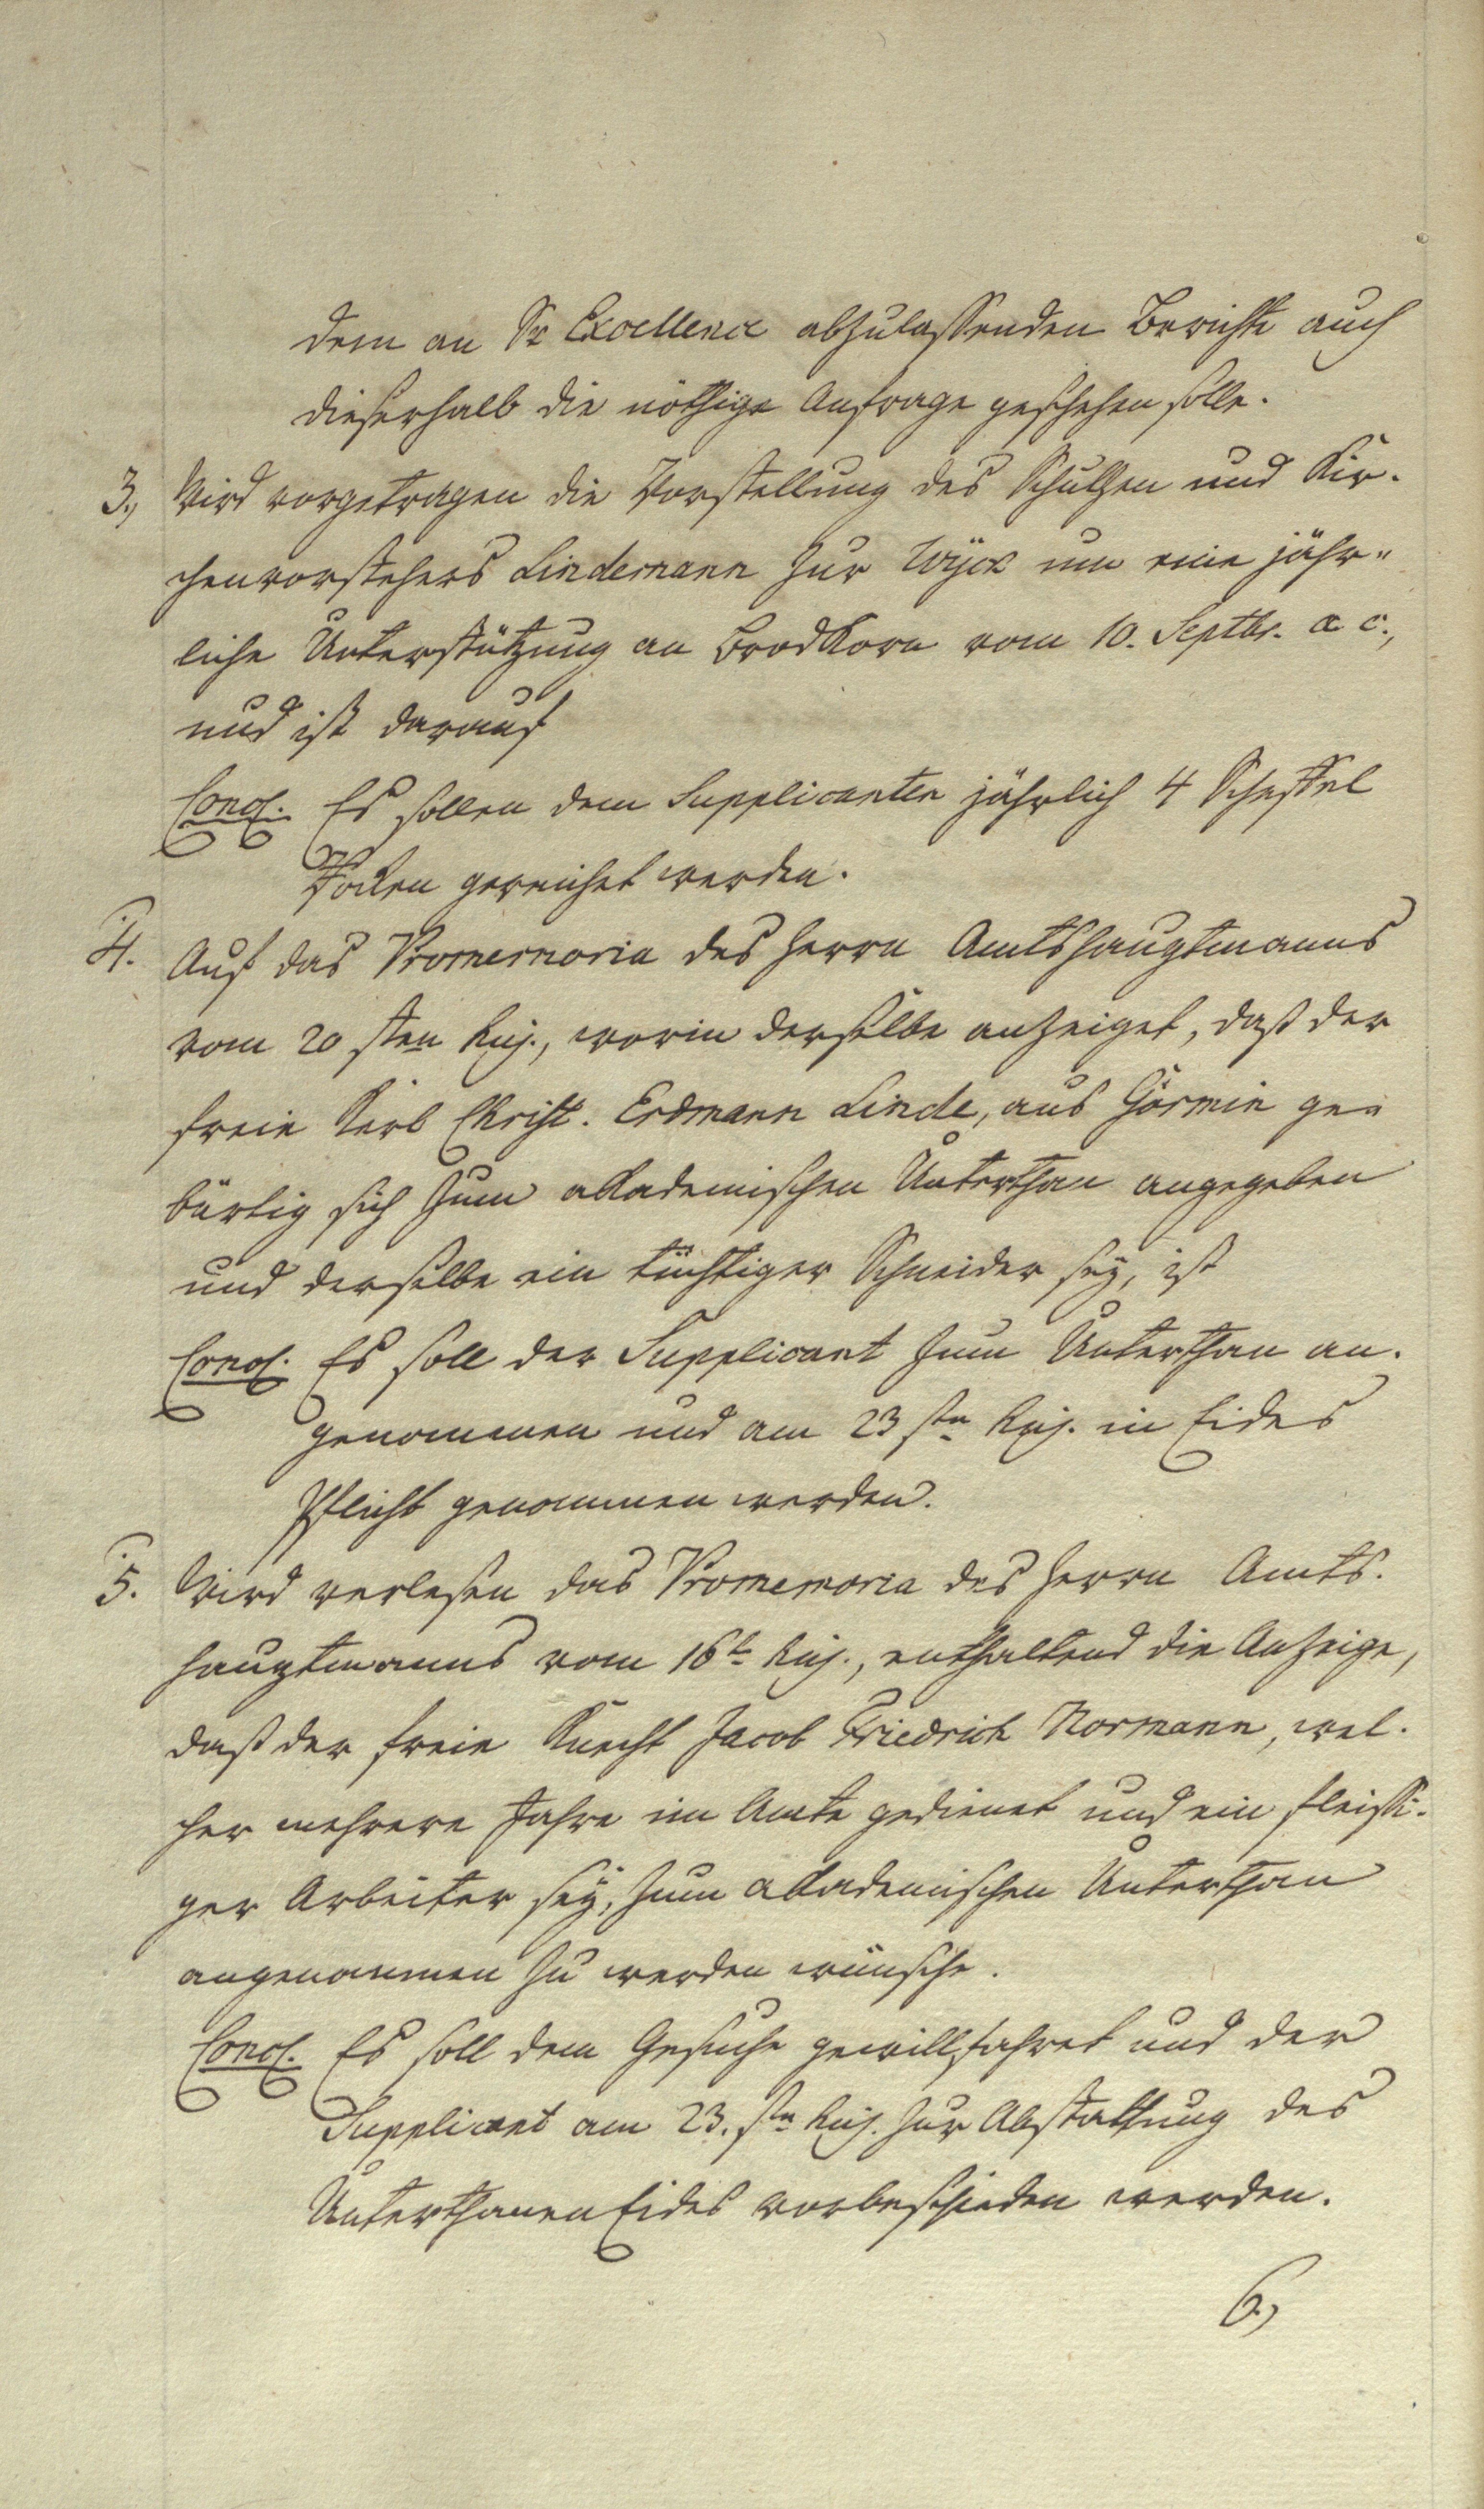dem an Sr Excellence abzulassenden Berichte auch
dieserhalb die nöthige Anfrage geschehen solle.
3. Wird vorgetragen die Vorstellung des Schulzen und Kir¬
chenvorstehers Lindemann zur Wÿck um eine jähr¬
liche Unterstützung an Brodkorn vom 10. Septbr. a. c.
und ist darauf
Concl. Es sollen dem Supplicanten jährlich 4 Scheffel
Rocken gereichet werden.
4. Auf das Promemoria des Herrn Amtshauptmanns
vom 20 sten huj., worin derselbe anzeiget, daß der
freie er Kerl Christ. Erdmann Linde, aus Görmin ge¬
bürtig sich zum akademischen Unterthan angegeben
und derselbe ein tüchtiger Schneider seÿ, ist
Concl. Es soll der Supplicant zum Unterthan an¬
genommen und am 23 sten huj. in Eides
Pflicht genommen werden.
5. Wird verlesen das Promemoria des Herrn Amts¬
hauptmanns vom 16 ten huj., enthaltend die Anzeige,
daß der freie Knecht Jacob Friedrich Normann, wel¬
cher mehrere Jahre im Amte gedienet und ein fleissi¬
ger Arbeiter seÿ, zum akademischen Unterthan
angenommen zu werden wünsche.
Concl. Es soll dem Gesuche gewillfahret und der
Supplicant am 23. ste huj. zur Abstattung des
UnterthanenEides vorbeschieden werden.
6.,